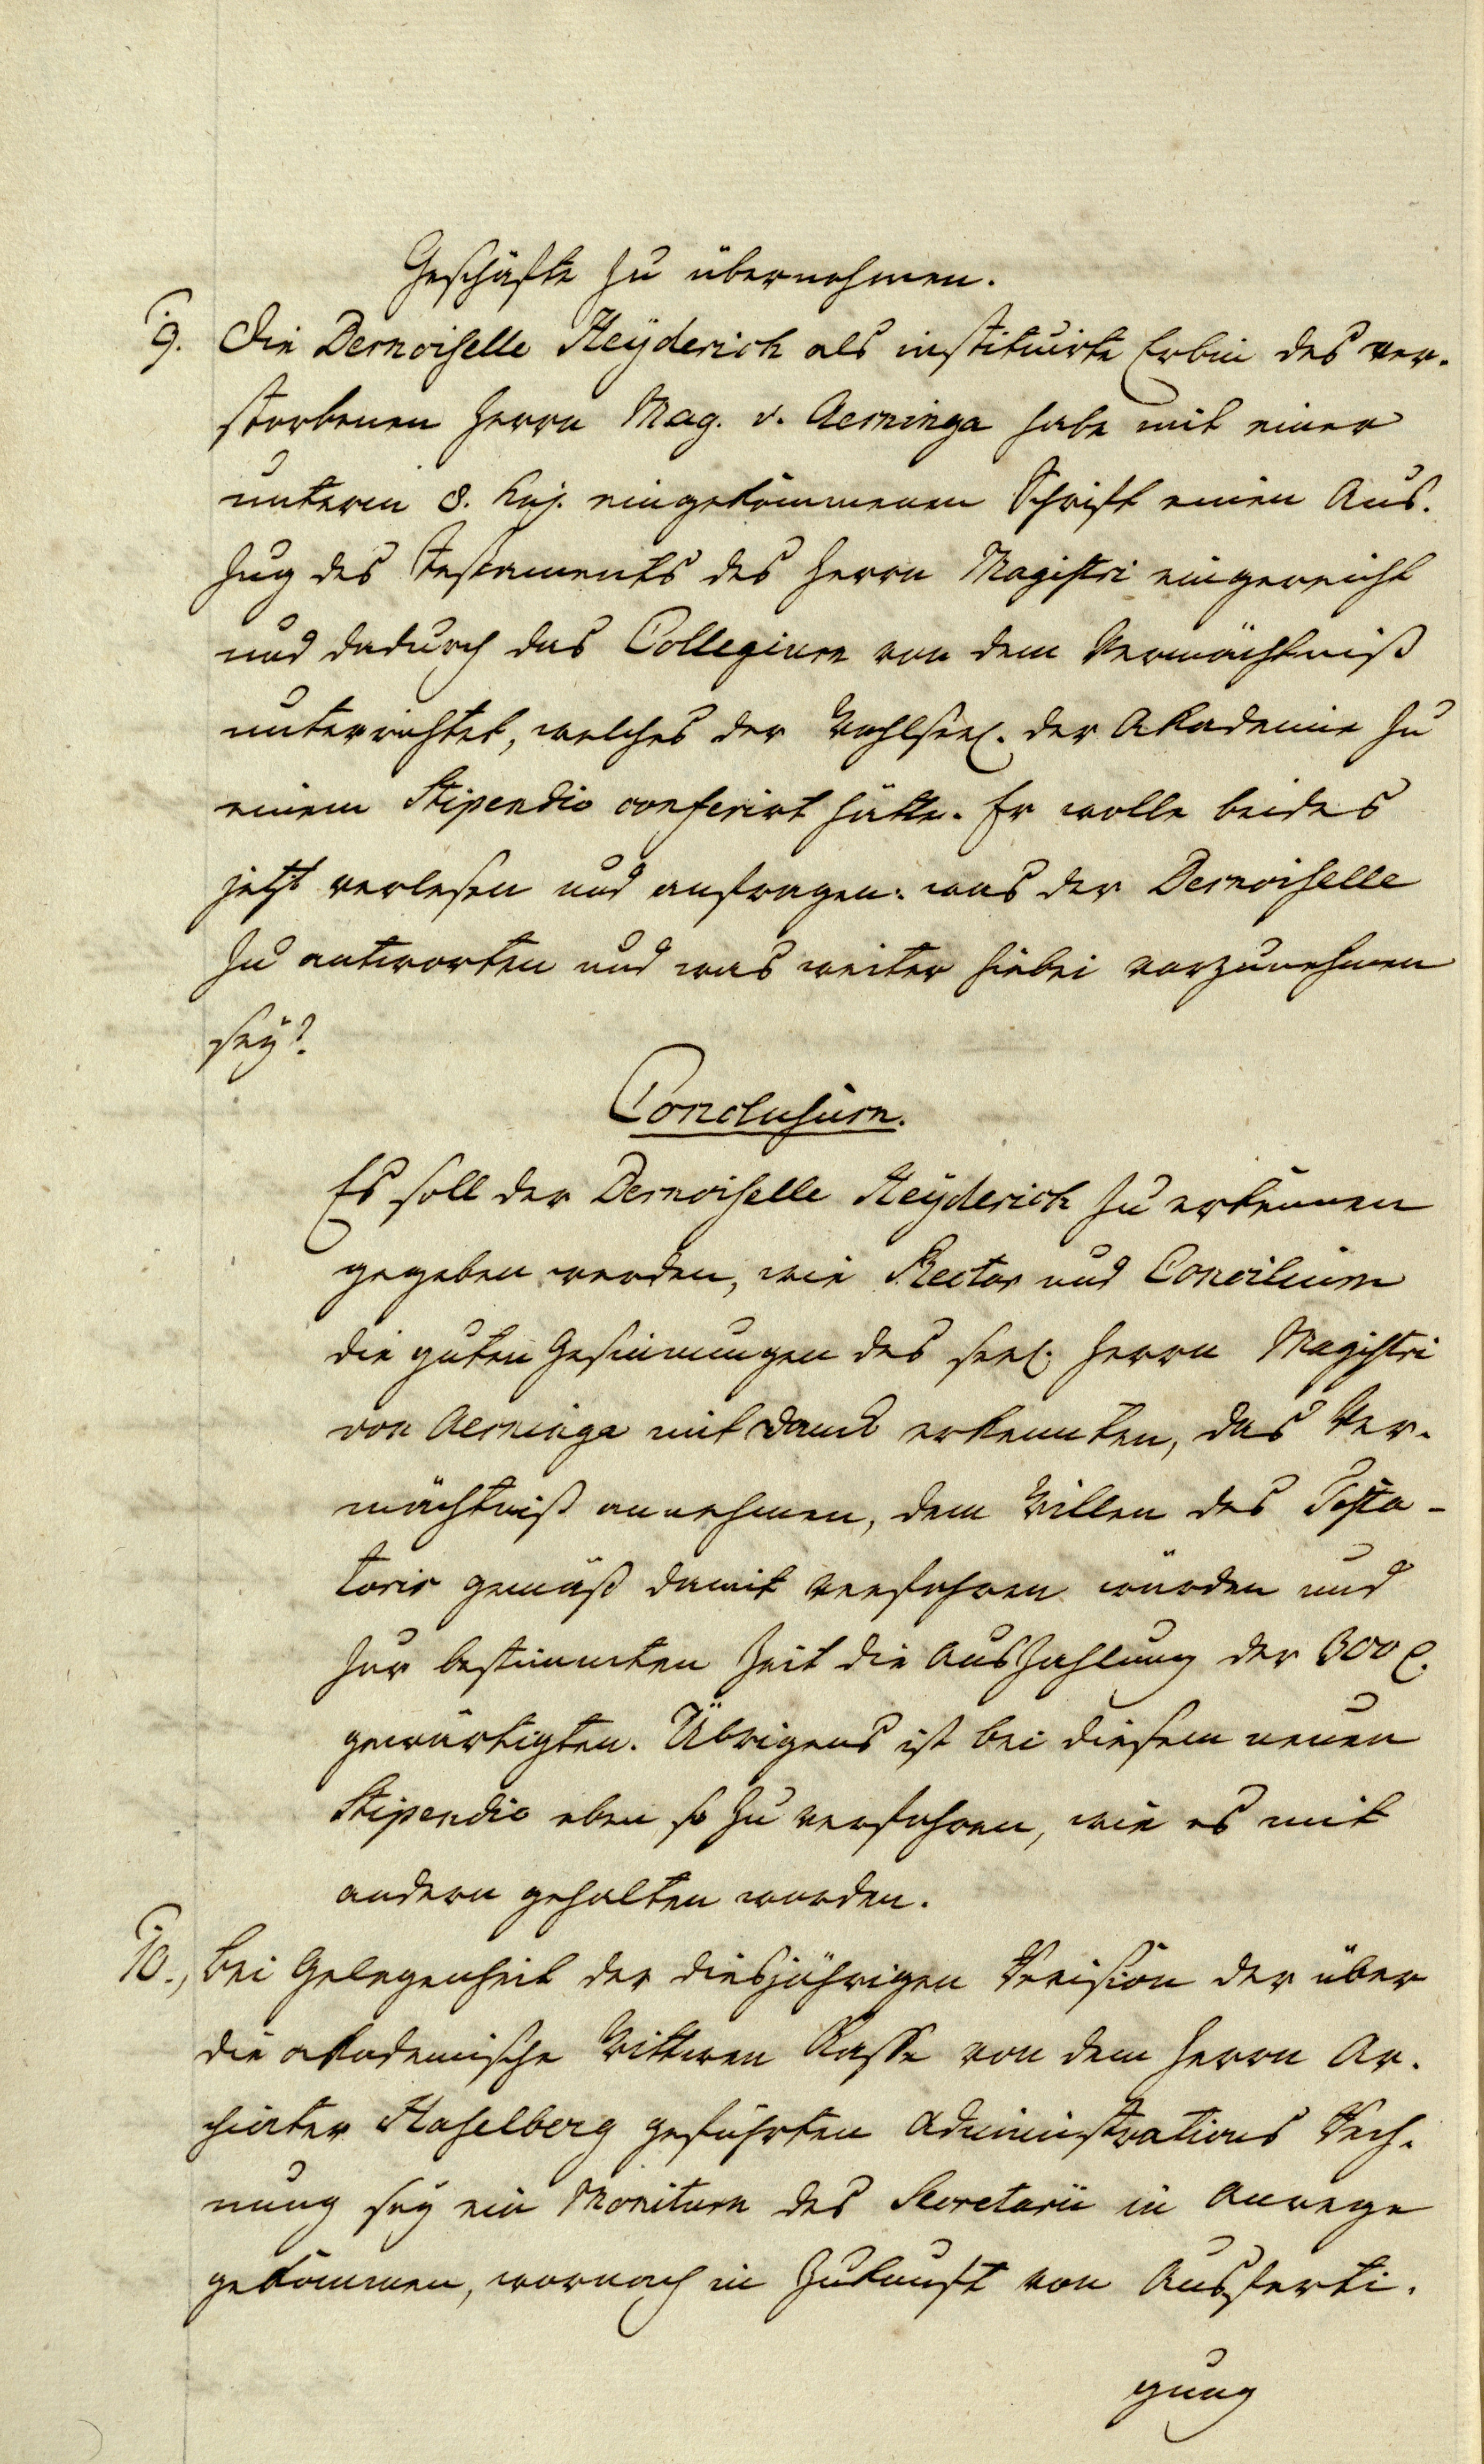Geschäfte zu übernehmen.
9. Die Demoiselle Heÿderich als instituirte Erbin des ver¬
storbenen Herrn Mag. v. Aeminga habe mit einer
unterm 8. huj. eingekommenen Schrift einen Aus¬
zug des Testaments des Herrn Magistri eingereicht
und dadurch das Collegium von dem Vermachtniß
unterrichtet, welches der Wohlseel. der Akademie zu
einem Stipendio conferirt hätte. Er wolle beides
jetzt verlesen und anfragen: was der Demoiselle
zu antworten und was weiter hiebei vorzunehmen
seÿ?
Conclusum.
Es soll der Demoiselle Heÿderich zu erkennen
gegeben werden, wie Rector und Concilium
die guten Gesinnungen des seel. Herrn Magistri
von Aeminga mit Danck erkennten, das Ver¬
mächtniß annehmen, dem Willen des Testa¬
toris gemäß damit verfahren würden und
zur bestimmten Zeit die Auszahlung der 300 l.
gewärtigten. Übrigens ist bei diesem neuen
Stipendio eben so zu verfahren, wie es mit
andern gehalten worden.
10., Bei Gelegenheit der diesjährigen Revision der über
die akademische Wittwen Kasse von dem Herrn Ar¬
chiater Haselberg geführten Administrations Rech¬
nung seÿ ein Monitum des Secretarii in Anrege
gekommen, wornach in Zukunft von Ausferti¬
gung